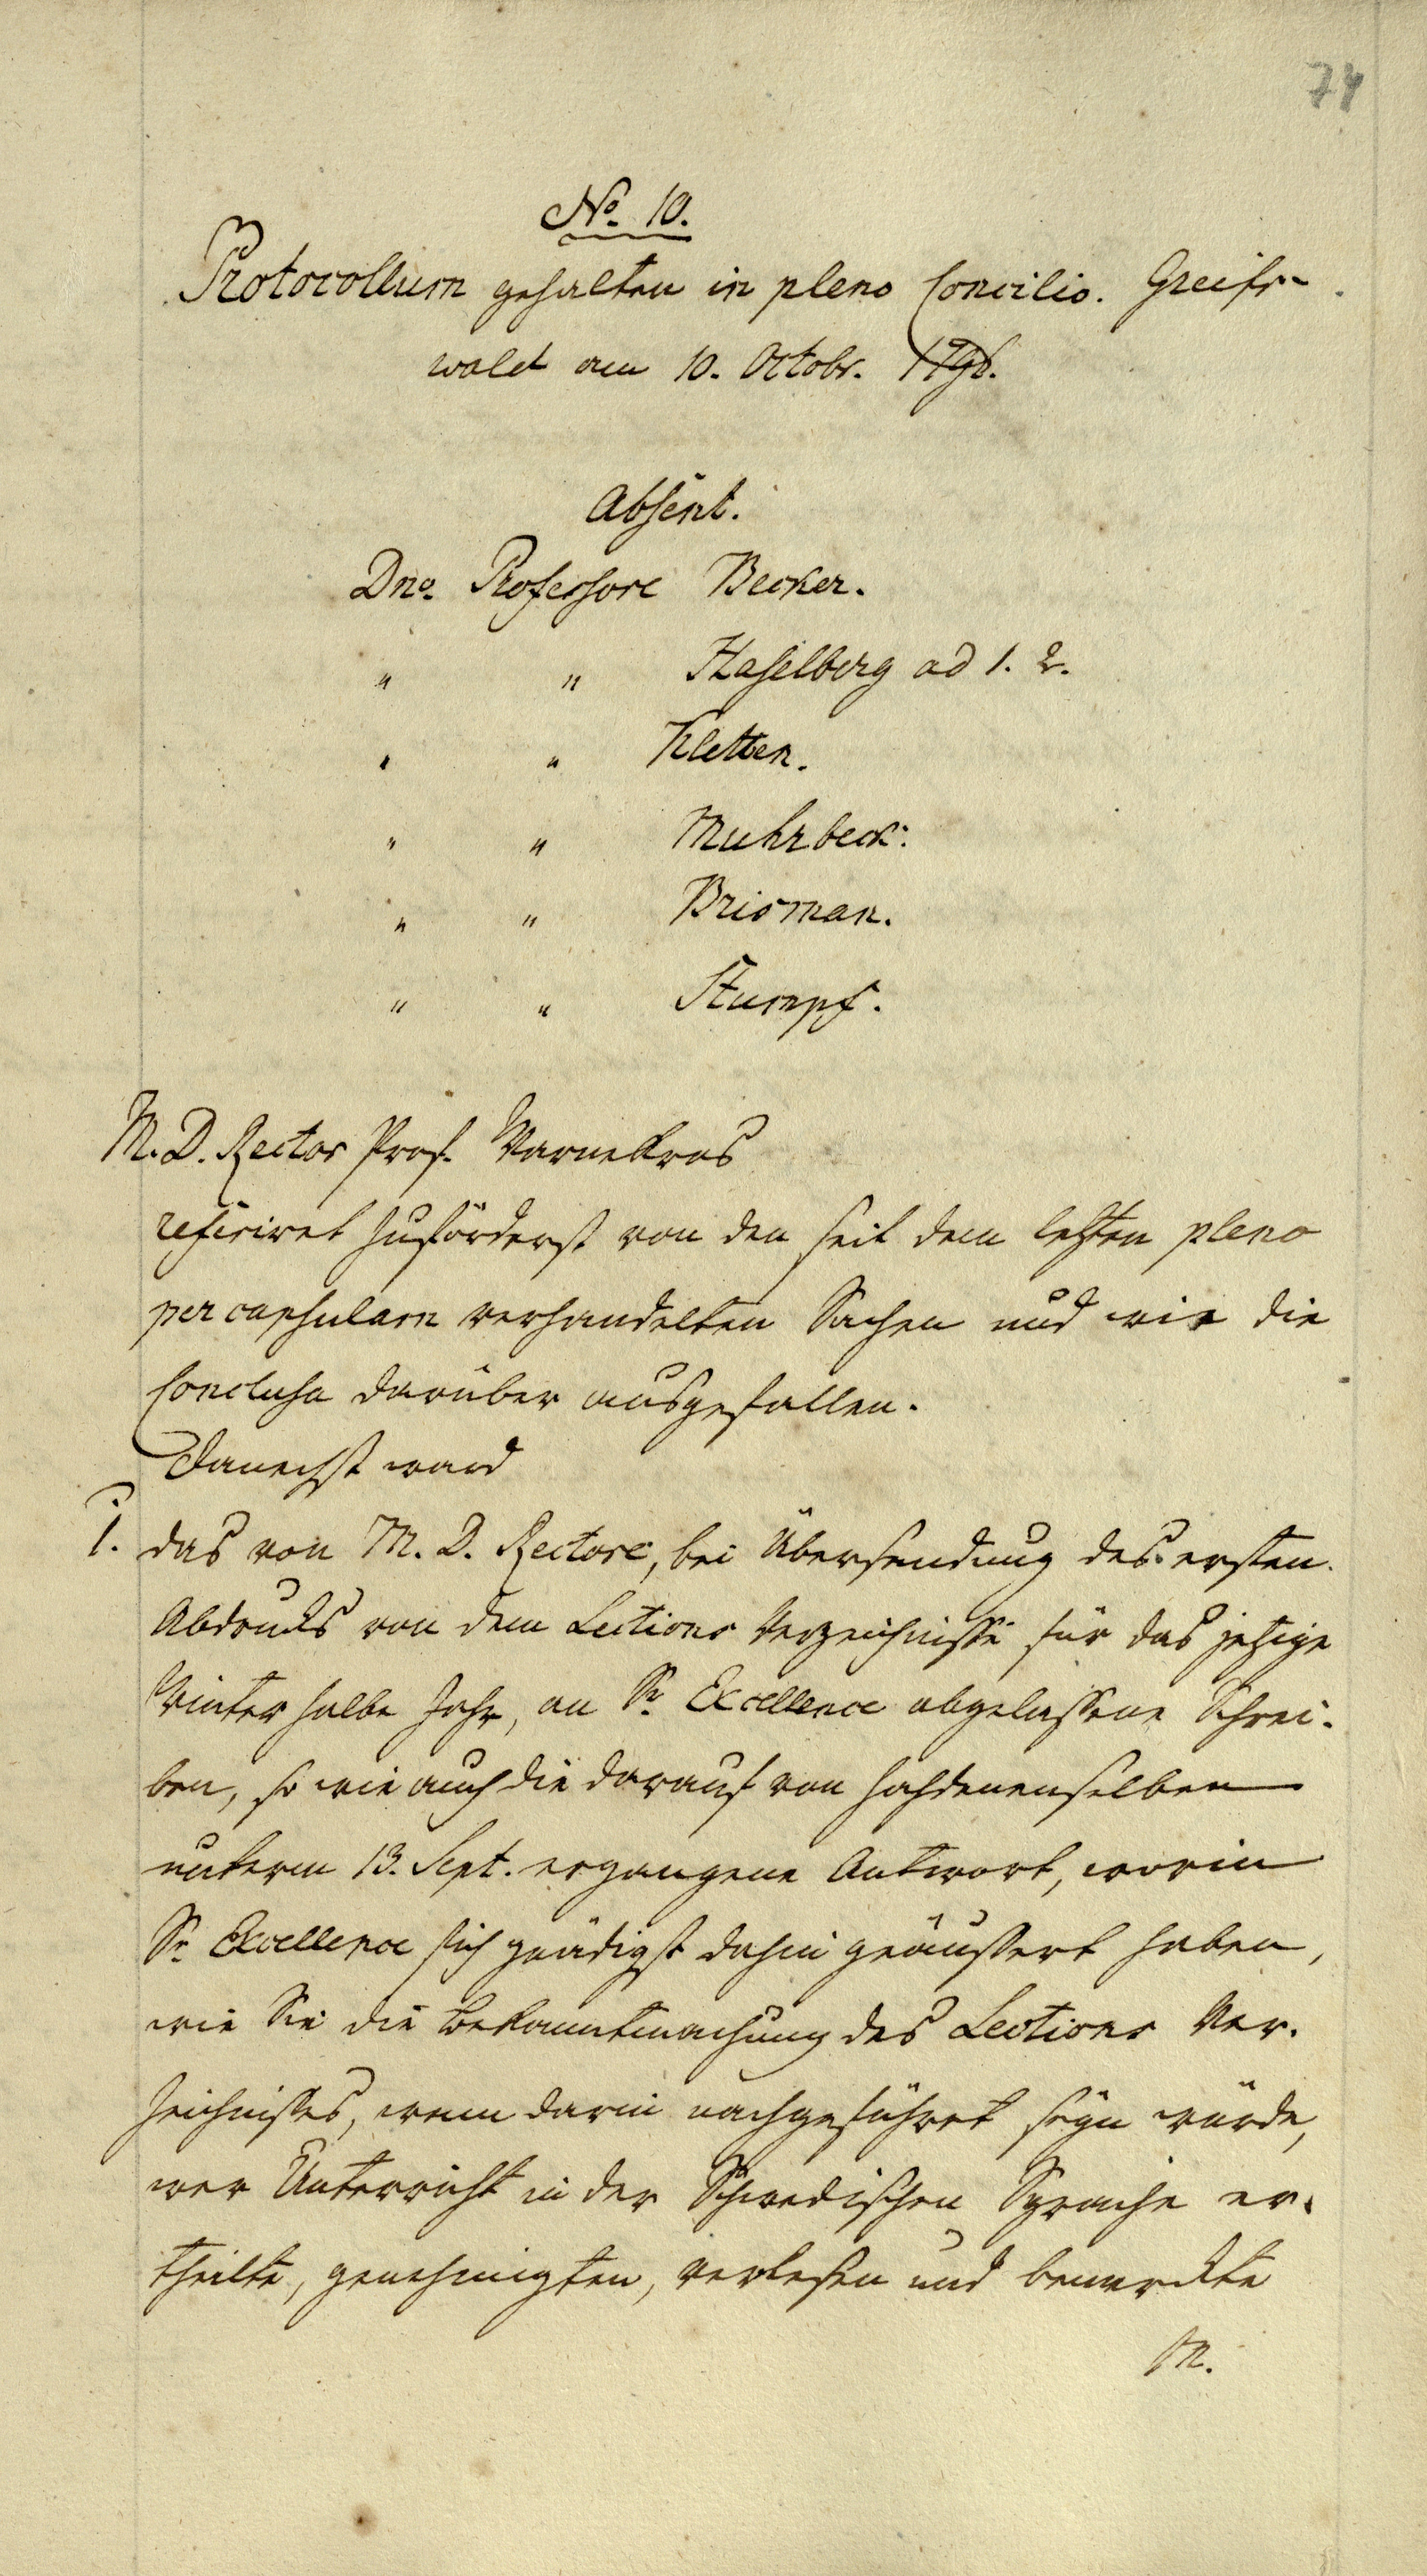No 10.
Protocollum gehalten in pleno Concilio. Greifs¬
wald am 10. Octobr. 1796.
Absent.
Dn Professore Becker.
Haselberg ad 1. 2.
Kletten.
Muhrbeck.
Brisman.
Stumpf.
M. D. Rector Prof. Warnekros
referiret zuförderst von den seit dem letzten pleno
per capsulam verhandelten Sachen und wie die
Conclusa darüber ausgefallen.
Danechst ward
1. das von M. D. Rectore, bei Übersendung des ersten
Abdrucks von dem Lections Verzeichnisse für das jetzige
Winter halbe Jahr, an Sr Excellence abgelassene Schrei¬
ben, so wie auch die darauf von hochdenenselben
unterm 13. Sept. ergangene Antwort, worin
Sr Excellence sich gnädigst dahin geäussert haben,
wie Sie die Bekanntmachung des Lections Ver¬
zeichnisses, wenn darin nachgeführet seÿn würde,
wer Unterricht in der Schwedischen Sprache er¬
theilte, genehmigten, verlesen und bemerckte
M.